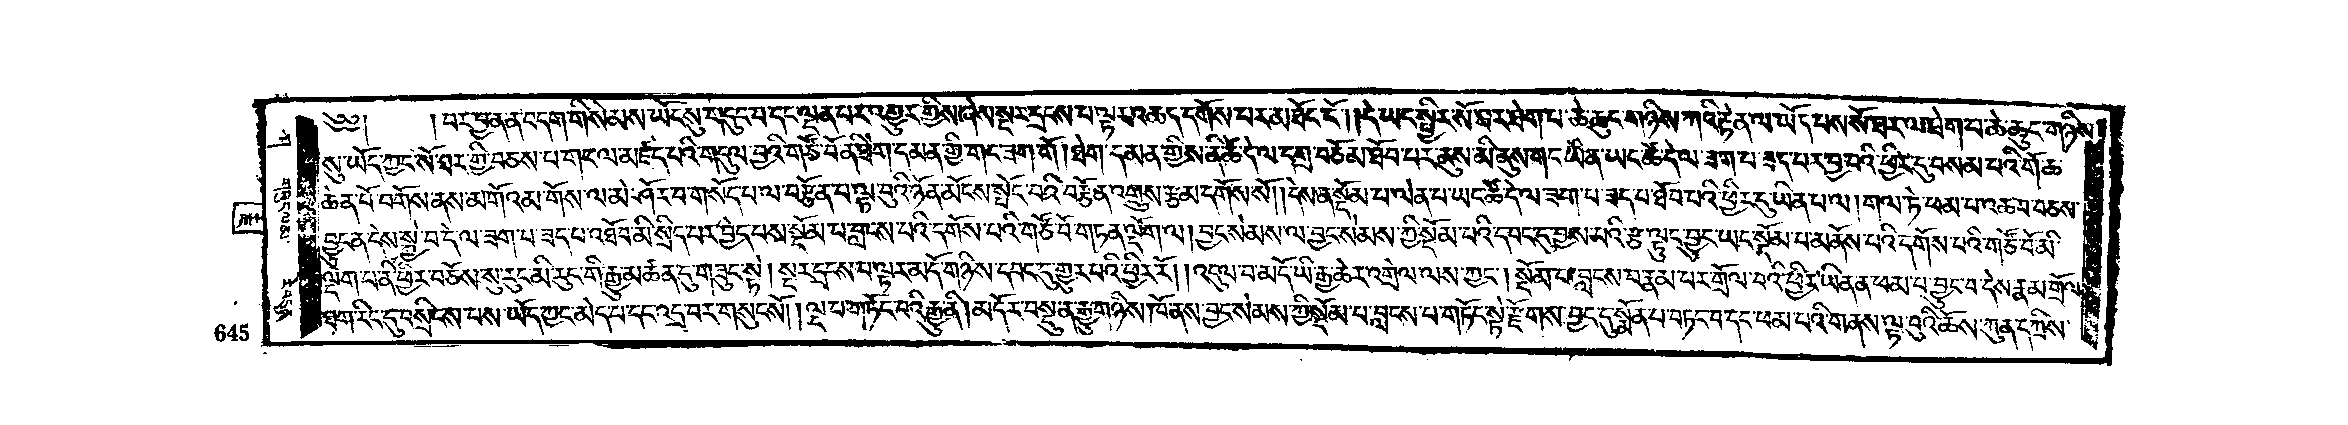༄༅། །བར་བྱ་ན་ནི་བདག་གི་སེམས་ཡོངས་སུ་གདུང་བ་དང་ལྡན་པར་འགྱུར་གྱིས་ཞེས་སྔར་དྲངས་པ་ལྟར་འཆད་དགོས་པར་མཐོང་ངོ། །དེ་ཡང་སྤྱིར་སོ་ཐར་ཐེག་པ་ཆེ་ཆུང་གཉིས་ཀའི་རྟེན་ལ་ཡོད་པས་སོ་ཐར་ལ་ཐེག་པ་ཆེ་ཆུང་གཉིས་
སུ་ཡོད་ཀྱང་སོ་ཐར་གྱི་བཅས་པ་གང་ལ་མཛད་པའི་གདུལ་བྱའི་གཙོ་བོ་ནི་ཐེག་དམན་གྱི་གང་ཟག་གོ། ཐེག་དམན་གྱིས་ནི་ཚེ་དེ་ལ་དགྲ་བཅོམ་ཐོབ་པར་ནུས་མི་ནུས་གང་ཡིན་ཡང་ཚེ་དེ་ལ་ཟག་པ་ཟད་པར་བྱ་བའི་ཕྱིར་དུ་བསམ་པའི་གོ་ཆ་
ཆེན་པོ་བགོས་ནས་མགོའམ་གོས་ལ་མེ་ཤོར་བ་གསོད་པ་ལ་བརྩོན་པ་ལྟ་བུའི་ཉོན་མོངས་སྤོང་བའི་བརྩོན་འགྲུས་རྩམ་དགོས་སོ། །དེས་ན་སྡོམ་པ་ལེན་པ་ཡང་ཚེ་དེ་ལ་ཟག་པ་ཟད་པ་ཐོབ་པའི་ཕྱིར་དུ་ཡིན་པ་ལ། གལ་ཏེ་ཕམ་པ་འཆབ་བཅས་
བྱུང་ན་དེས་སྐྱེ་བ་དེ་ལ་ཟག་པ་ཟད་པ་འཐོབ་མི་སྲིད་པར་བྱེད་པས་སྡོམ་པ་བླངས་པའི་དགོས་པའི་གཙོ་བོ་གཏན་ལྡོག་ལ། བྱང་སེམས་ལ་བྱང་སེམས་ཀྱི་སྡོམ་པའི་དབང་དུ་བྱས་པའི་རྩ་ལྟུང་བྱུང་ཡང་སྡོམ་པ་མནོས་པའི་དགོས་པའི་གཙོ་བོ་མི་
ལྡག་པ་ནི་ཕྱིར་བཅོས་སུ་རུང་མི་རུང་གི་རྒྱུ་མཚན་དུ་གཟུང་སྟེ། སྔར་དྲངས་པ་ལྟར་མདོ་གཉིས་དབང་དུ་གྱུར་པའི་ཕྱིར་རོ། །འདུལ་བ་མདོ་ཡི་རྒྱ་ཆེར་འགྲེལ་ལས་ཀྱང་། སྡོམ་པ་བླངས་པ་རྣམ་པར་གྲོལ་བའི་ཕྱིར་ཡིན་ན་ཕམ་པ་བྱུང་བ་དེས་རྣམ་གྲོལ་
ཐག་རིང་དུ་བསྲིངས་པས་ཡོད་ཀྱང་མེད་པ་དང་འདྲ་བར་གསུངས་སོ། །ལྔ་པ་གཏོང་བའི་རྒྱུ་ནི། མདོར་བསྡུ་ན་རྒྱུ་གཉིས་ཁོ་ནས་བྱང་སེམས་ཀྱི་སྡོམ་པ་བླངས་པ་གཏོང་སྟེ་རྫོགས་བྱང་དུ་སྨོན་པ་བཏང་བ་དང་ཕམ་པའི་གནས་ལྟ་བུའི་ཆོས་ཀུན་དཀྲིས་